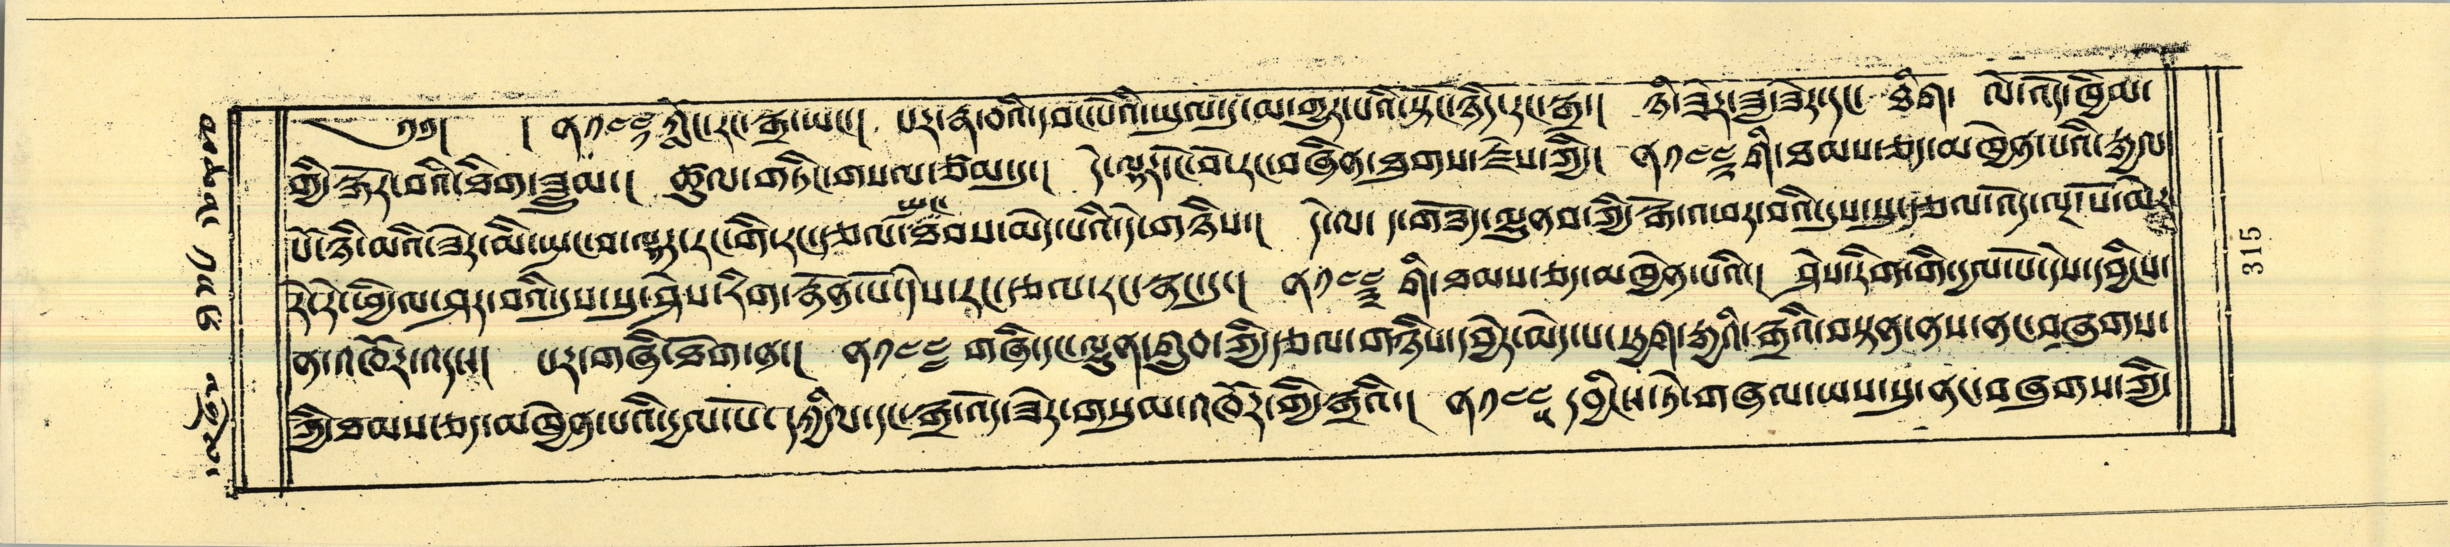ན༡༤༤།༡ ༼ཀློང་༽རང་སྒྲ་ཡང། ༼པར་༽རྣ་བའི་དབང་པོའི་ཡུལ་དུ་མ་གྱུར་པའི་སྟོང་ཉིད་རང་སྒྲ། ཉི་ ༼ཟེར་༽ཟླ་ཟེར་དང། ༼ཐིག་ལེ་༽འོད་ཁྱིམ་
གྱི་སྐོར་བའི་ཐིག་ཟླུམ། ༼ཚུལ་༽གཏིང་གསལ་ཙམ་དུ། ༼དེ་ལྟར་༽ངོ་བོ་རང་བཞིན་ཐུགས་རྗེས་ཀྱི། ན༡༤༤།༢ ༼གི་ཐམས་ཅད་མཁྱེན་པའི་ ༼རྒྱལ་
པོ་༽ཉི་མའི་ཟེར་མི་སྤང་བ་ལྟར་རང་གི་རང་རྩལ་སྤང་ཐབས་མེད་པའི་དེ་གཉིས། ༼དེ་ལ་༽ད་གཟོད་ལྷུན་གྲུབ་ཀྱི་སྒོ་འཕར་བའི་དུས་སུ་རྩལ་འོད་ལྔ་པོ་མེར་
རེ་རེ་ཕྱི་ལ་ཤར་བའི་དུས་སུ་ཤེས་རིག་རྣོན་པོ་དེས་རང་རྩལ་རང་སྣང་དུ། ན༡༤༤།༣ ༼གི་༽ཐམས་ཅད་མཁྱེན་པའི། ཤེས་རིག་གི་རྒྱལ་པོ་དེས་དབྱིངས་
ན་འཁོར་འདས་པར་གཞི་ཐོག་ན། ན༡༤༤།༤ གཞི་དང་ ༼ལྷུན་གྲུབ་༽ཀྱི་རྩལ་གཉིས་དབྱེར་མེད་པ་ ༼ཕྱག་རྒྱའི་༽སྒྲའི་བསྟན་ནས་ནང་བཞུགས་
ཀྱི་ཐམས་ཅད་མཁྱེན་པའི་རྒྱལ་པོ་ ༼དཀྱིལ་༽དང་སྒྲ་འོད་ཟེར་གསུམ་ ༼འཁོར་༽གྱི་སྒྲའོ། ན༡༤༤།༥ ༼དབྱིངས་༽ཏེ་གཞལ་ཡས་སུ་ནང་བཞུགས་ཀྱི་